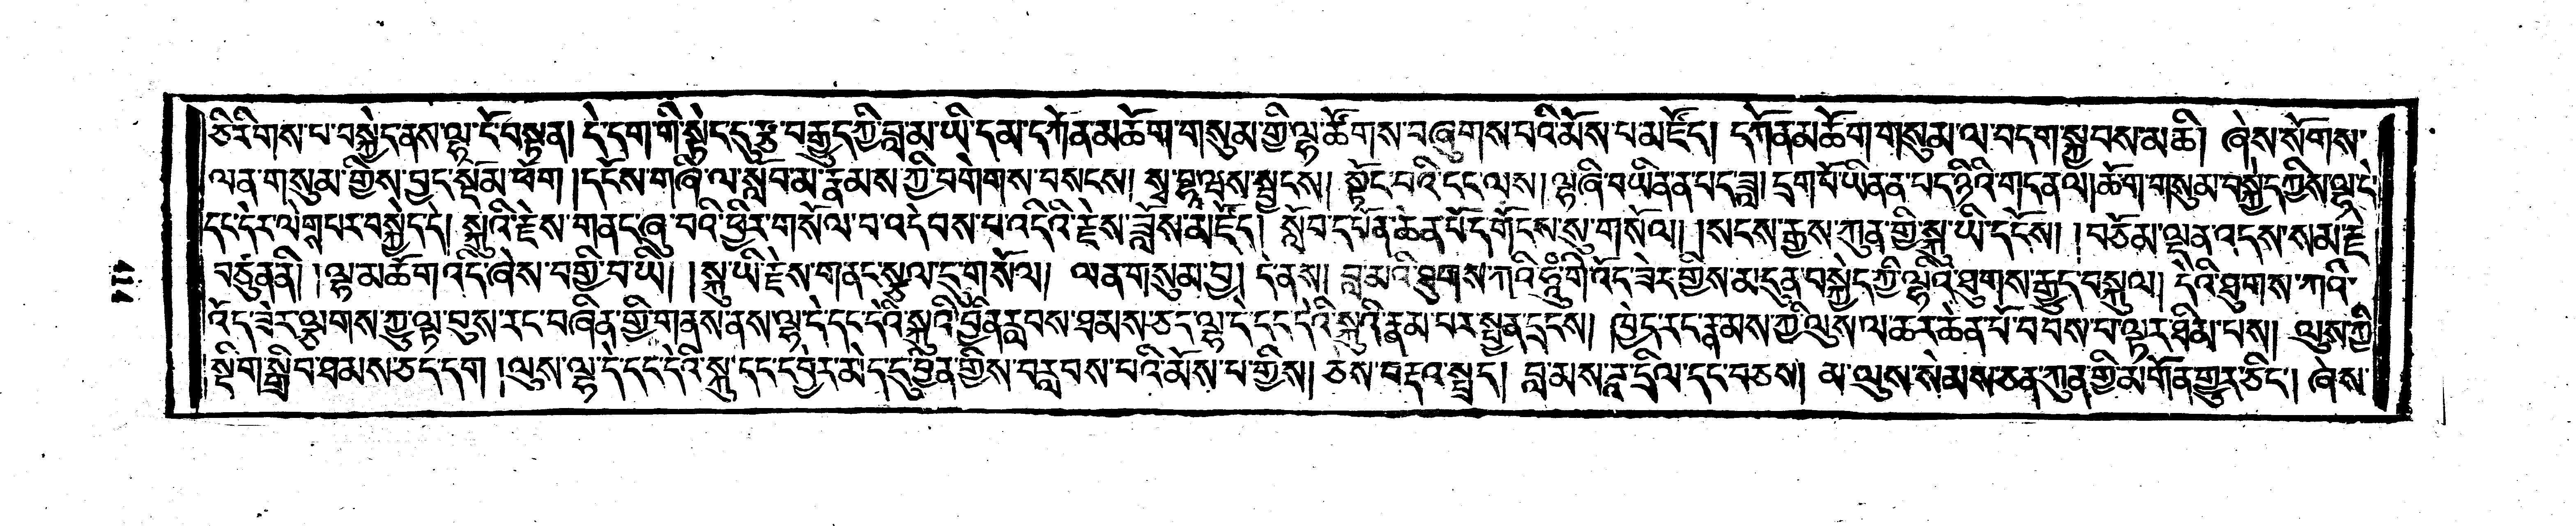ཅི་རིགས་པ་བསྐྱེད་ནས་ལྷ་ངོ་བསྟན། དེ་དག་གི་སྟེང་དུ་རྩ་བརྒྱུད་ཀྱི་བླ་མ་ཡི་དམ་དཀོན་མཆོག་གསུམ་གྱི་ལྷ་ཚོགས་བཞུགས་པའི་མོས་པ་མཛོད། དཀོན་མཆོག་གསུམ་ལ་བདག་སྐྱབས་མཆི། ཞེས་སོགས་
ལན་གསུམ་གྱིས་བྱང་སྡོམ་ཕོག །དངོས་གཞི་ལ་སློབ་མ་རྣམས་ཀྱི་བགེགས་བསངས། སྭ་བྷཱ་ཝས་སྦྱངས། སྟོང་པའི་ངང་ལས། ལྷ་ཞི་བ་ཡིན་ན་པད་ཟླ། དྲག་པོ་ཡིན་ན་པད་ཉིའི་གདན་ལ། ཆོ་ག་གསུམ་བསྐྱེད་ཀྱིས་ལྷ་དེ་
དང་དེར་ལེགས་པར་བསྐྱེད་དེ། སྐུའི་རྗེས་གནང་ཞུ་བའི་ཕྱིར་གསོལ་བ་འདེབས་པ་འདིའི་རྗེས་ཟློས་མཛོད། སློབ་དཔོན་ཆེན་པོ་དགོངས་སུ་གསོལ། །སངས་རྒྱས་ཀུན་གྱི་སྐུ་ཡི་དངོས། །བཅོམ་ལྡན་འདས་སམ་རྗེ་
བཙུན་ནི། །ལྷ་མཆོག་འདི་ཞེས་བགྱི་བ་ཡི། །སྐུ་ཡི་རྗེས་གནང་སྩལ་དུ་གསོལ། ལན་གསུམ་བྱ། དེ་ནས། བླ་མའི་ཐུགས་ཀའི་ཧཱུཾ་གི་འོད་ཟེར་གྱིས་མདུན་བསྐྱེད་ཀྱི་ལྷའི་ཐུགས་རྒྱུད་བསྐུལ། དེའི་ཐུགས་ཀའི་
འོད་ཟེར་ལྕགས་ཀྱུ་ལྟ་བུས་རང་བཞིན་གྱི་གནས་ནས་ལྷ་དེ་དང་དེའི་སྐུའི་བྱིན་རླབས་ཐམས་ཅད་ལྷ་དེ་དང་དེའི་སྐུའི་རྣམ་པར་སྤྱན་དྲངས། ཁྱེད་རང་རྣམས་ཀྱི་ལུས་ལ་ཆར་ཆེན་པོ་བབས་པ་ལྟར་ཐིམ་པས། ལུས་ཀྱི་
སྡིག་སྒྲིབ་ཐམས་ཅད་དག །ལུས་ལྷ་དེ་དང་དེའི་སྐུ་དང་དབྱེར་མེད་དུ་བྱིན་གྱིས་བརླབས་པའི་མོས་པ་གྱིས། ཅེས་བརྡའ་སྤྲད། བླ་མས་ཌཱ་དྲིལ་དང་བཅས། མ་ལུས་སེམས་ཅན་ཀུན་གྱི་མགོན་གྱུར་ཅིང་། ཞེས་